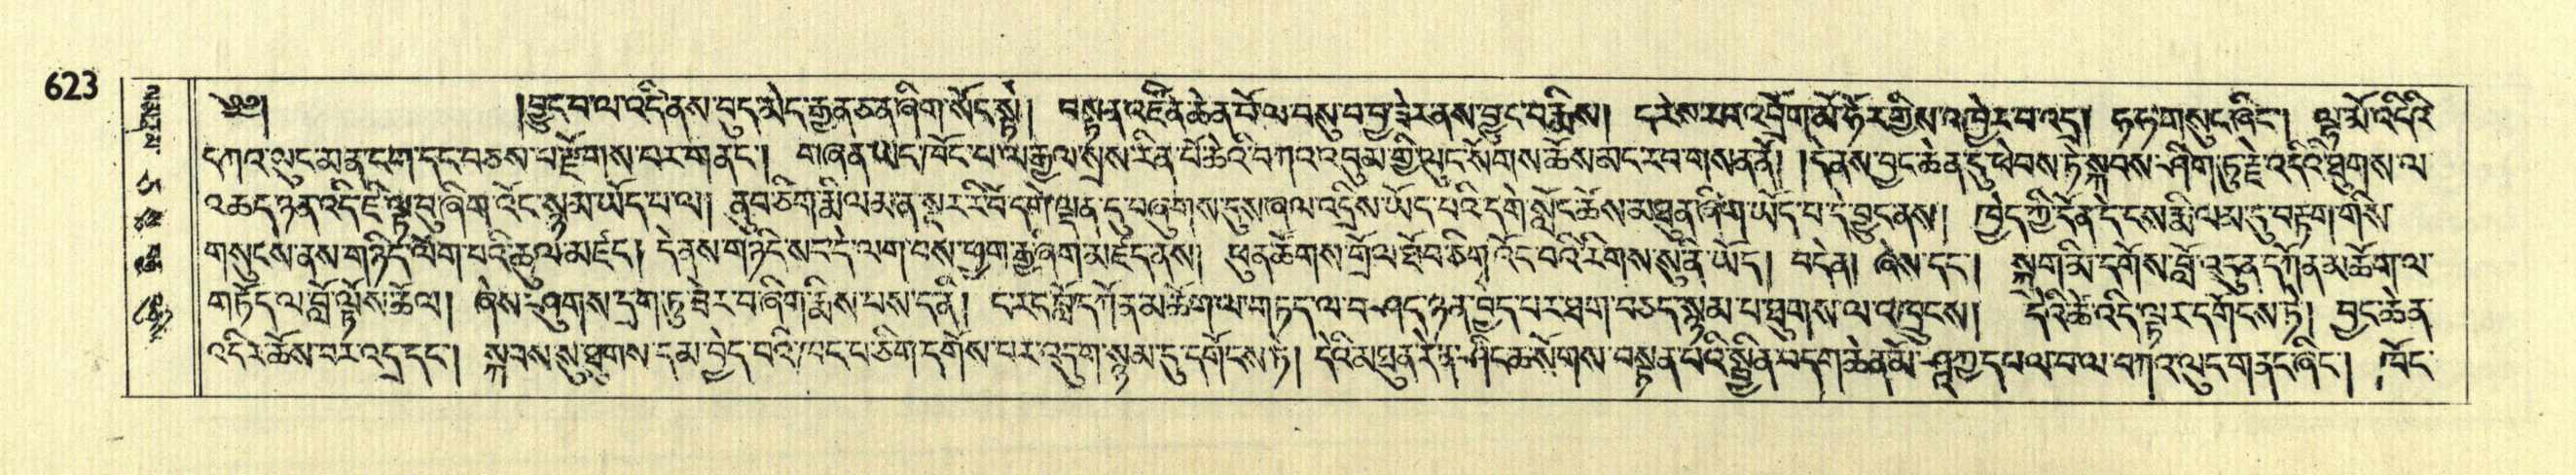༄༅། །བྱུང་བ་ལ་འདི་ནས་བུད་མེད་རྒྱན་ཅན་ཞིག་སོང་སྟེ། བསྟན་འཛིན་ཆེན་པོ་ལ་བསུ་བ་བྱ་ཟེར་ནས་བྱུང་བྲྨིས། ད་རེས་རབ་འབྲོག་མོ་ཧོར་གྱིས་འཁྱེར་བ་འདྲ། ཧ་ཧ་གསུང་ཞིང་། ལྷ་མོ་འདིའི་
དཀའ་ལུང་མན་ངག་དང་བཅས་པ་རྫོགས་བར་གནང་། གཞན་ཡང་ཁོང་པ་ལ་རྒྱལ་སྲས་རིན་པོ་ཆེའི་བཀའ་འབུམ་གྱི་ལུང་སོགས་ཆོས་མང་རབ་གསན་ནོ། །དེ་ནས་བྱང་ཆེན་དུ་ཕེབས་ཏེ་སྐབས་ཤིག་ཏུ་རྗེ་འདིའི་ཐུགས་ལ་
འཆད་ཉན་འདི་ཇི་ལྟ་བུ་ཞིག་འོང་སྙམ་ཡོད་པ་ལ། ནུབ་ཅིག་རྨི་ལམ་ན་སྔར་རི་བོ་དགེ་ལྡན་དུ་བཞུགས་དུས་ཞལ་འདྲིས་ཡོད་པའི་དགེ་སློང་ཚེས་མཐུན་ཞིག་ཡོད་པ་དེ་བྱུང་ནས། ཁྱེད་ཀྱི་དོན་དེ་ངས་རྨི་ལམ་དུ་བརྟག་གིས་
གསུངས་ནས་གཉིད་ལོག་པའི་ཆུལ་མཛད། དེ་ནས་གཉིད་སང་དེ་ལག་བས་ཕྱག་རྒྱ་ཞིག་མཛད་ནས། ཕུན་ཚོགས་གྲོལ་ཐོབ་ཅིག་འོང་བའི་རིགས་སུ་ནི་ཡོད། བདེན། ཞེས་དང་། སྐྲག་མི་དགོས་བློ་འདུན་དཀོན་མཆོག་ལ་
གཏོད་ལ་བློ་ལྟོས་ཆོལ། ཞེས་ཤུགས་དྲག་ཏུ་ཟེར་བ་ཞིག་རྨིས་པས་ད་ནི། ང་རང་བློ་དཀོན་མཆོག་ལ་གཏད་ལ་བཤད་ཉན་བྱེད་པར་ཐག་བཅད་སྙམ་པ་ཐུགས་ལ་འཁྲུངས། དེའི་ཚེ་འདི་ལྟར་དགོངས་ཏེ། བྱང་ཆེན་
འདིར་ཆོས་བར་འདྲ་དང་། སྐབས་སུ་ཐུགས་དམ་བྱེད་བའི་ཁང་པ་ཅིག་དགོས་པར་འདུག་སྙམ་དུ་དགོངས་ཏེ། དེའི་མཐུན་རེ་ན་ཤིང་ཆ་སོགས་བསྟན་པའི་སྦྱིན་བདག་ཆེན་མོ་ཤཱཀྱ་དཔལ་བ་ལ་བཀའ་ལུང་གནང་ཞིང་། ཁོང་